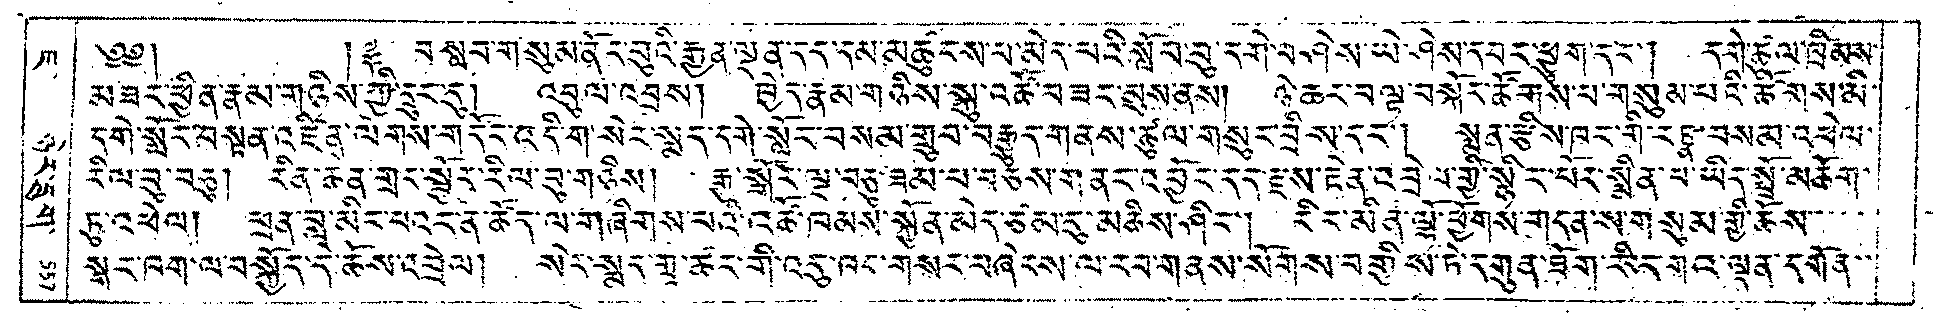༄༅། །༈ བསླབ་གསུམ་ནོར་བུའི་རྒྱན་ལྡན་དད་དམ་མཚུངས་པ་མེད་པའི་སློབ་བུ་དགེ་བཤེས་ཡེ་ཤེས་དབང་ཕྱུག་དང་། དགེ་ཚུལ་ཁྲིམས་
མཐར་ཕྱིན་རྣམ་གཉིས་ཀྱི་དྲུང་དུ། འབུལ་འབྲས། ཁྱེད་རྣམ་གཉིས་སྐུ་འཚོ་བཟང་མུས་ནས། ཉེ་ཆར་བལྟ་བསྐོར་ཚོགས་པ་གསུམ་པའི་ཚོགས་མི་
དགེ་སློང་བསྟན་འཛིན་ལགས་གདོང་འདི་ག་སེར་སྨད་དགེ་སློང་བསམ་གྲུབ་བརྒྱུད་གནས་ཚུལ་གསུང་བྲིས་དང་། སྨན་རྩིས་ཁང་གི་རཏྣ་བསམ་འཕེལ་
རིལ་བུ་བཅུ། རིན་ཆེན་གྲང་སྦྱོར་རིལ་བུ་གཉིས། རྒྱ་སྒོར་ལྔ་བཅུ་ཐམ་པ་བཅས་གནང་འབྱོར་དད་རྫས་རྟེན་འབྲེལ་གྱི་སྙིང་པོར་སྨིན་པ་ཡིད་སྤྲོ་མཆོག་
ཏུ་འཕེལ། ཕྲན་བླ་མིང་པའང་ན་ཚོད་ལ་གཞིགས་པའི་འཚོ་ཁམས་སྐྱོན་མེད་ཙམ་དུ་མཆིས་ཤིང་། རིང་མིན་ལྷོ་ཕྱོགས་གདན་ས་གསུམ་གྱི་ཆོས་
སྒར་ཁག་ལ་བསྐྱོད་དེ་ཆོས་འབྲེལ། སེར་སྨད་གྲྭ་ཚང་གི་འདུ་ཁང་གསར་བཞེངས་ལ་རབ་གནས་སོགས་བགྱིས་ཏེ་དགུན་ཐོག་རིང་དགའ་ལྡན་དགོན་